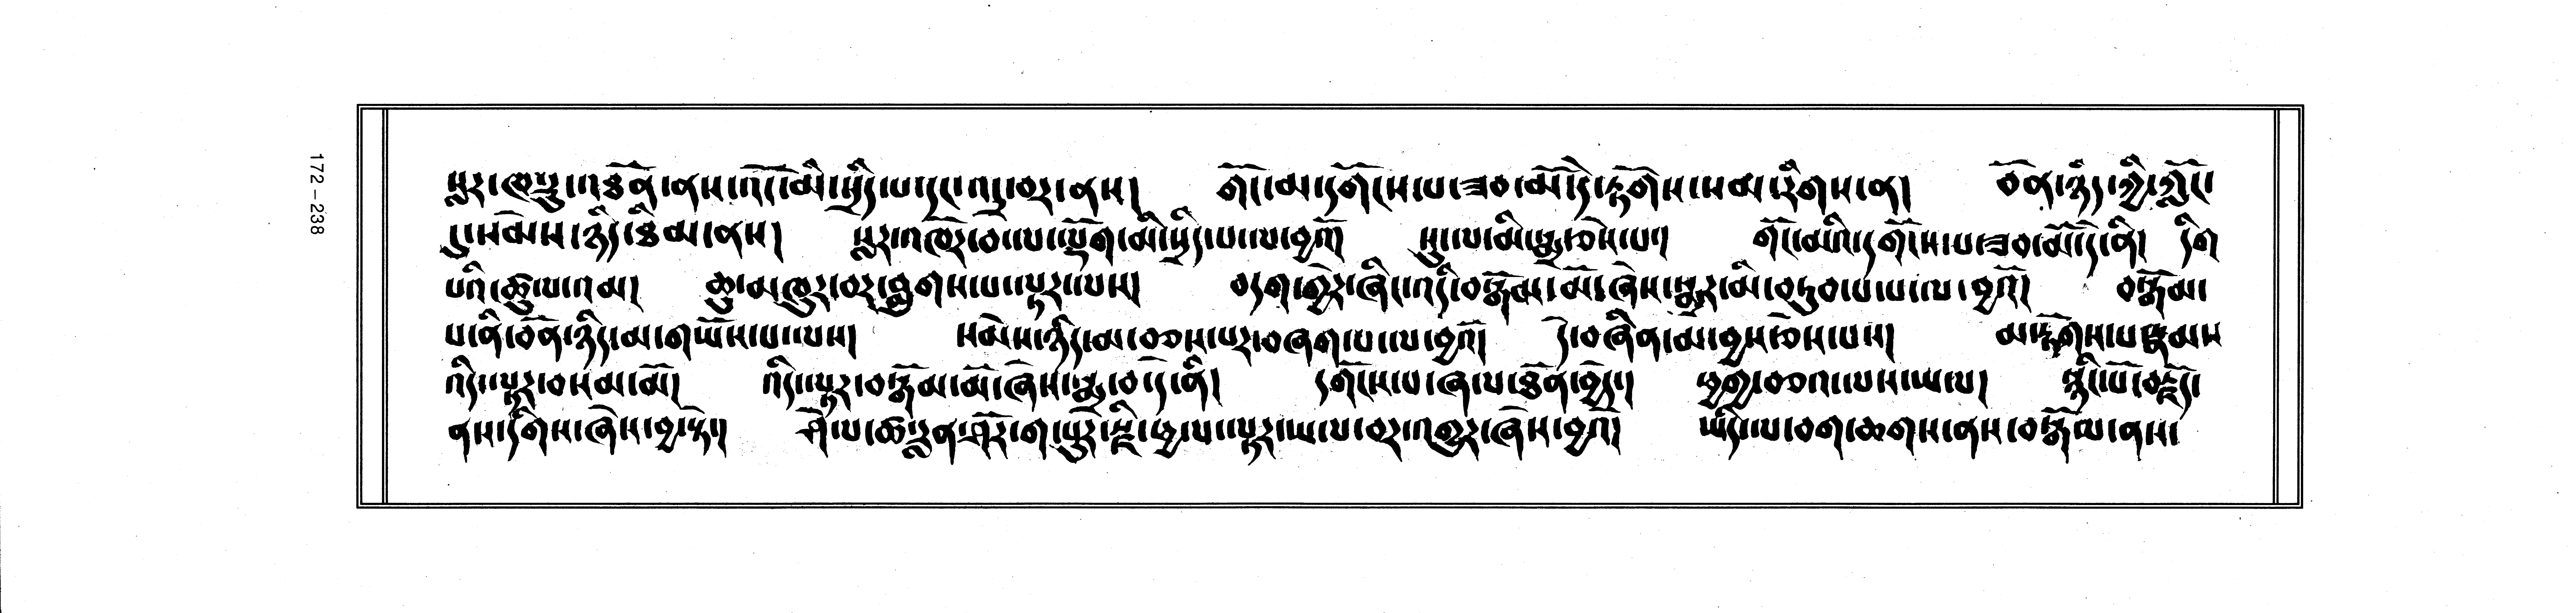སླར་ཁ་རུ་འཐོན་ནས་འོང་མི་སྲིད་པ་དང་འདྲ་བར་ནས། གོང་མ་དགོངས་པ་ཟབ་མོ་དེ་རྟོགས་སམ་རིག་ན། བོན་ཉིད་ཀྱི་ཀློང་
དུ་སེམས་ཉིད་ཐིམ་ནས། སླར་འཁོར་བ་ལ་ལྡོག་མི་སྲིད་པ་ལ་བྱའོ། སུ་ལ་མི་སྨྲ་ཅེས་པ། གོང་མའི་དགོངས་པ་ཟབ་མོ་དེ་ནི། དིག་
པའི་ཚུལ་འམ། ཆུ་མཁུར་བར་བླུགས་པ་ལྟར་ལས། བདག་གྱེར་ཞིང་འདི་བསྒོམ་མོ་ཞེས་སྨྲར་མི་བཏུབ་པ་ལ་བྱའོ། བསྒོམ་
པ་ནི་བོན་ཉིད་མ་གཡོས་པ་ལས། སེམས་ཉིད་མ་བཅོས་པར་བཞག་པ་ལ་བྱའོ། དེ་བཞིན་མ་བྱས་ཅེས་པས། མ་རྟོགས་པ་རྣམས་
འདི་ལྟར་བསམ་མོ། འདི་ལྟར་བསྒོམ་མོ་ཞེས་སྨྲ་བ་དེ་ནི། དགོངས་པ་ཞལ་ཐོན་བྱེད། ཕྱག་རྒྱ་བཅའ་ལས་ཡལ། སྙིང་པོ་བརྗོད་
ནས་དིགས་ཞེས་བྱ་སྟེ། ཤེལ་ཚ་རླན་ཤོར་ག་པུར་རྫི་ཕྱལ་ལྟར་ཡལ་བར་འགྱུར་ཞེས་བྱའོ། ཡིད་ལ་བག་ཆགས་ནས་བསྒོལ་ནས་